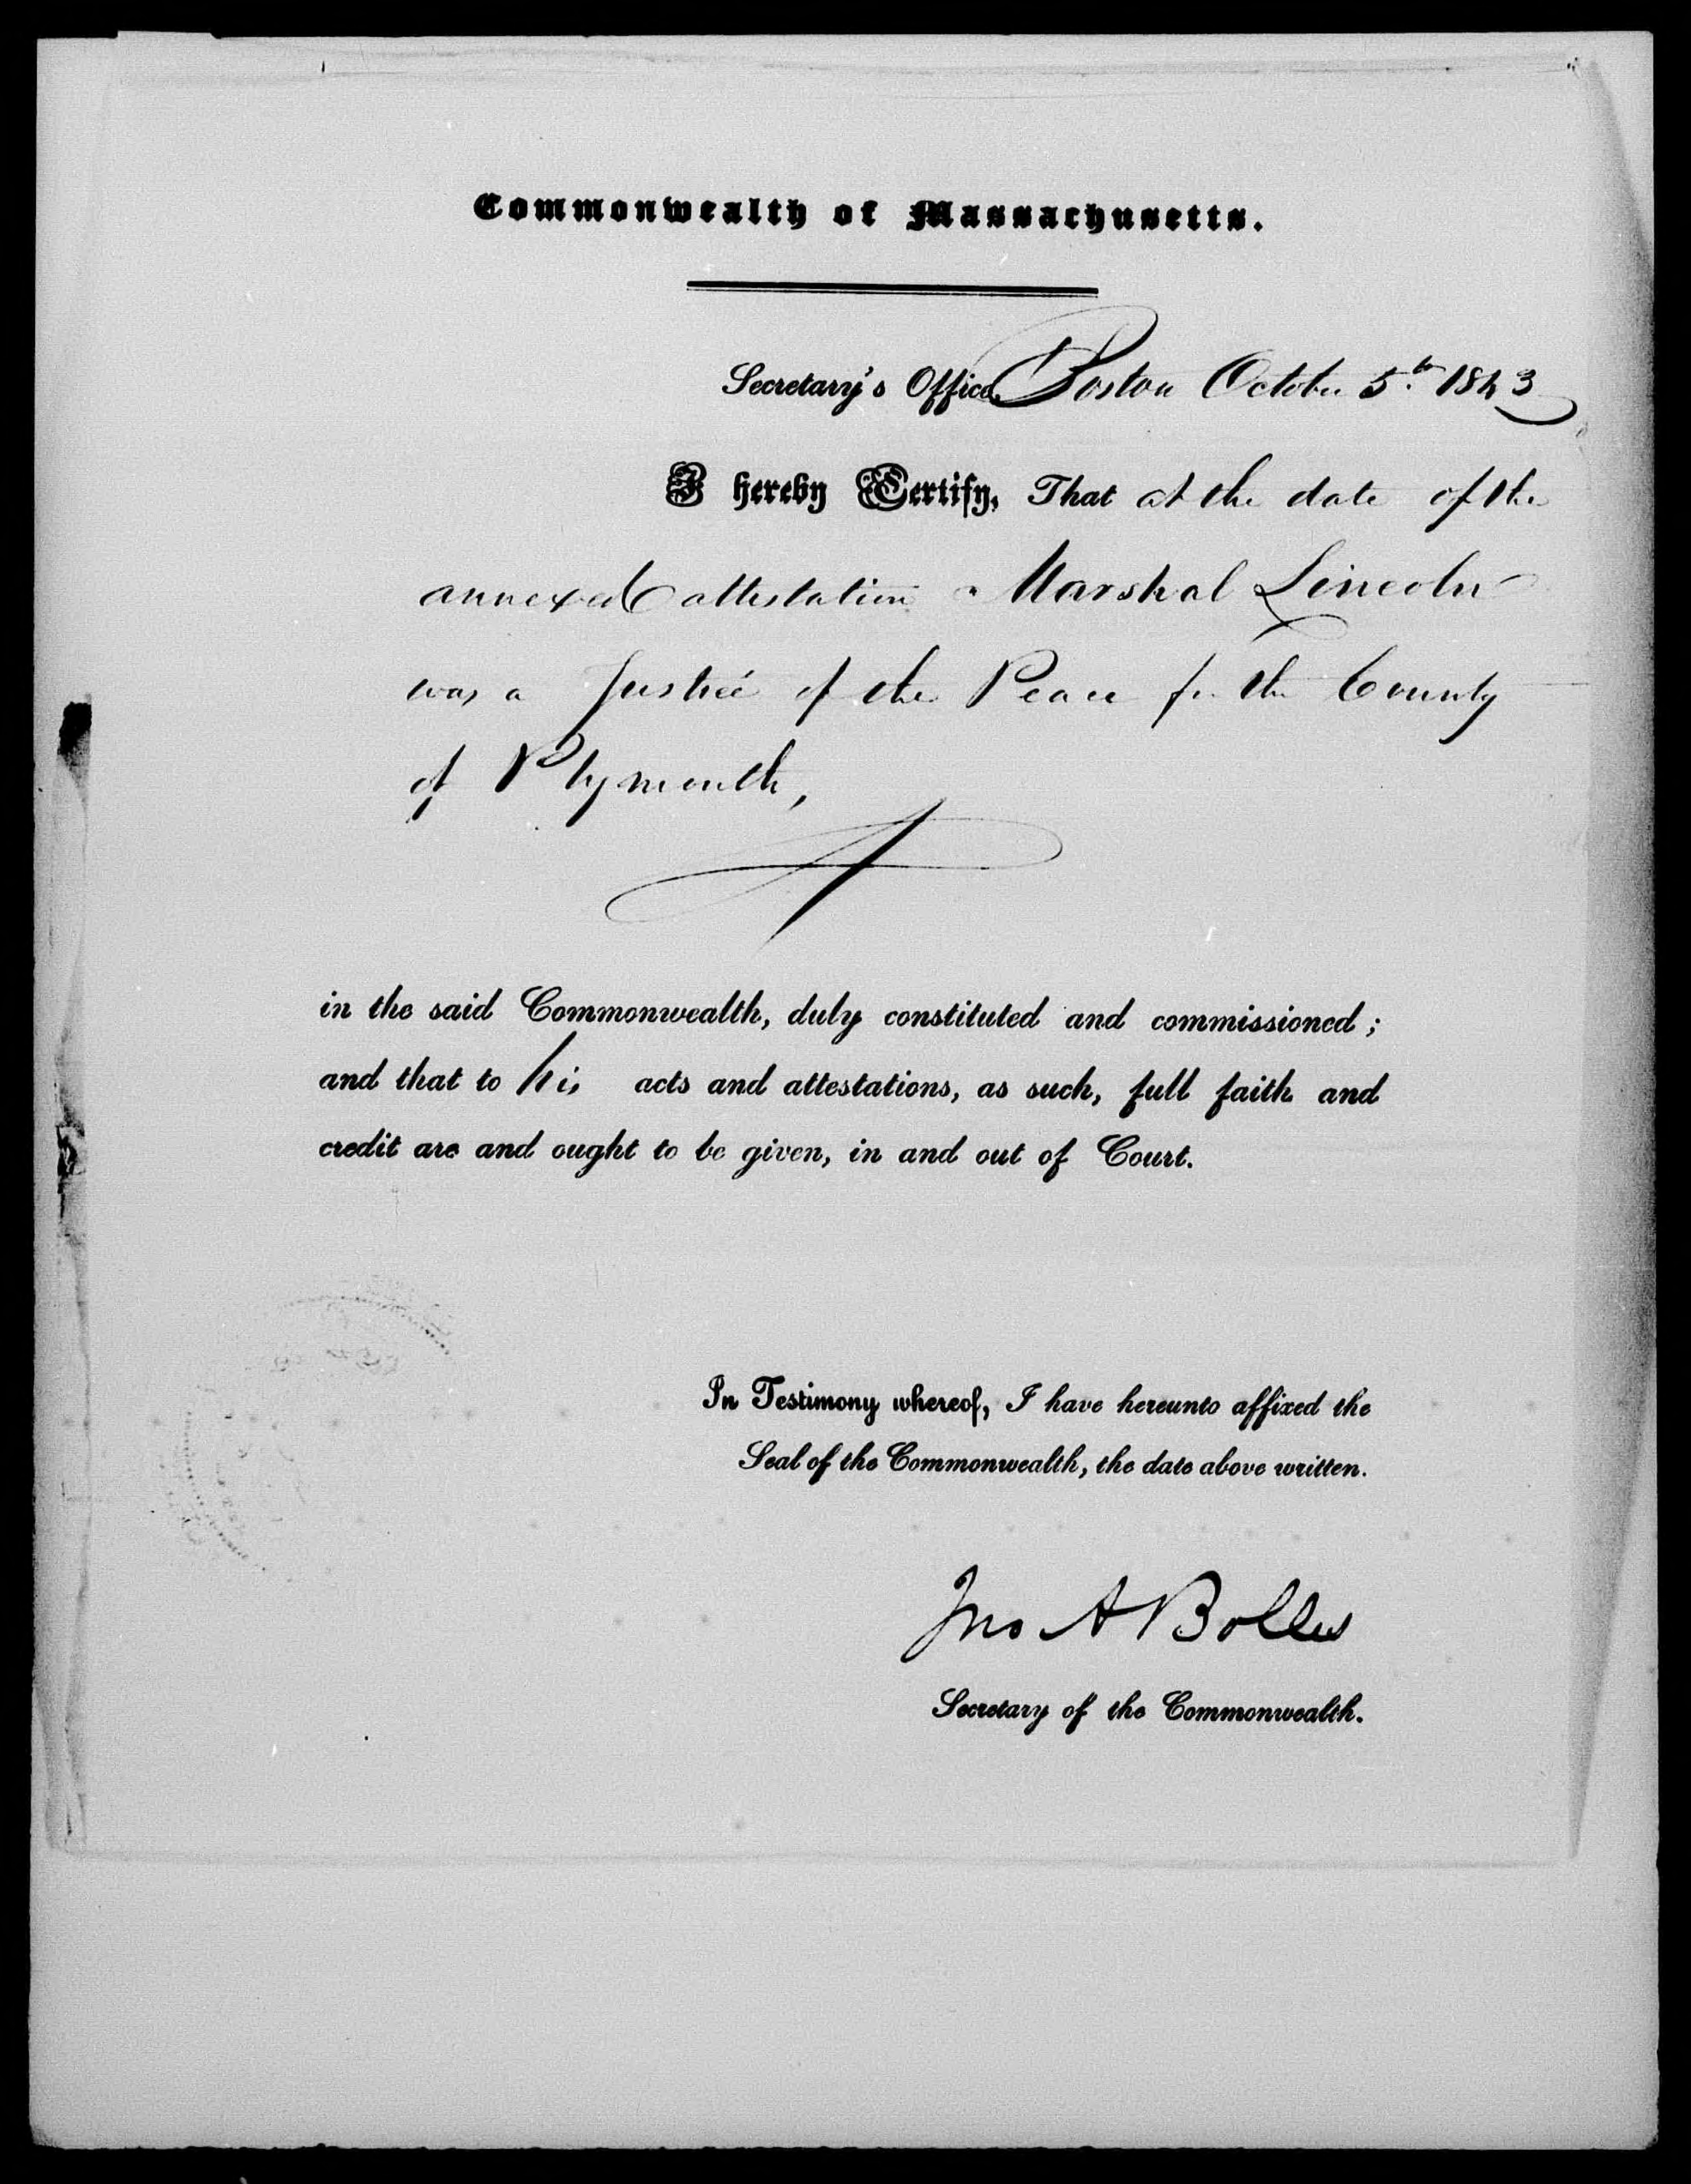Commonwealth of Masschusetts


Secretary's Office Boston October 5th 1843

I hereby Certify, That at the date of the annexed attestation Marshal Lincoln was a Justice of the Peace for the County of Plymouth

in the said Commonwealth, duly constituted and commissioned; and that to his acts and attestations, as such, full faith and credit are and ought to be given, in and out of Court.


In testimony whereof, I have hereunto affixed the Seal of the Commonwealth, the date above written.

John A. Bolles
Secretary of the Commonwealth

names: Jno A Bolles, Marshal Lincoln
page: 19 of 26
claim: widow's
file: W. 14657, Melzar Dunbar, Mass.